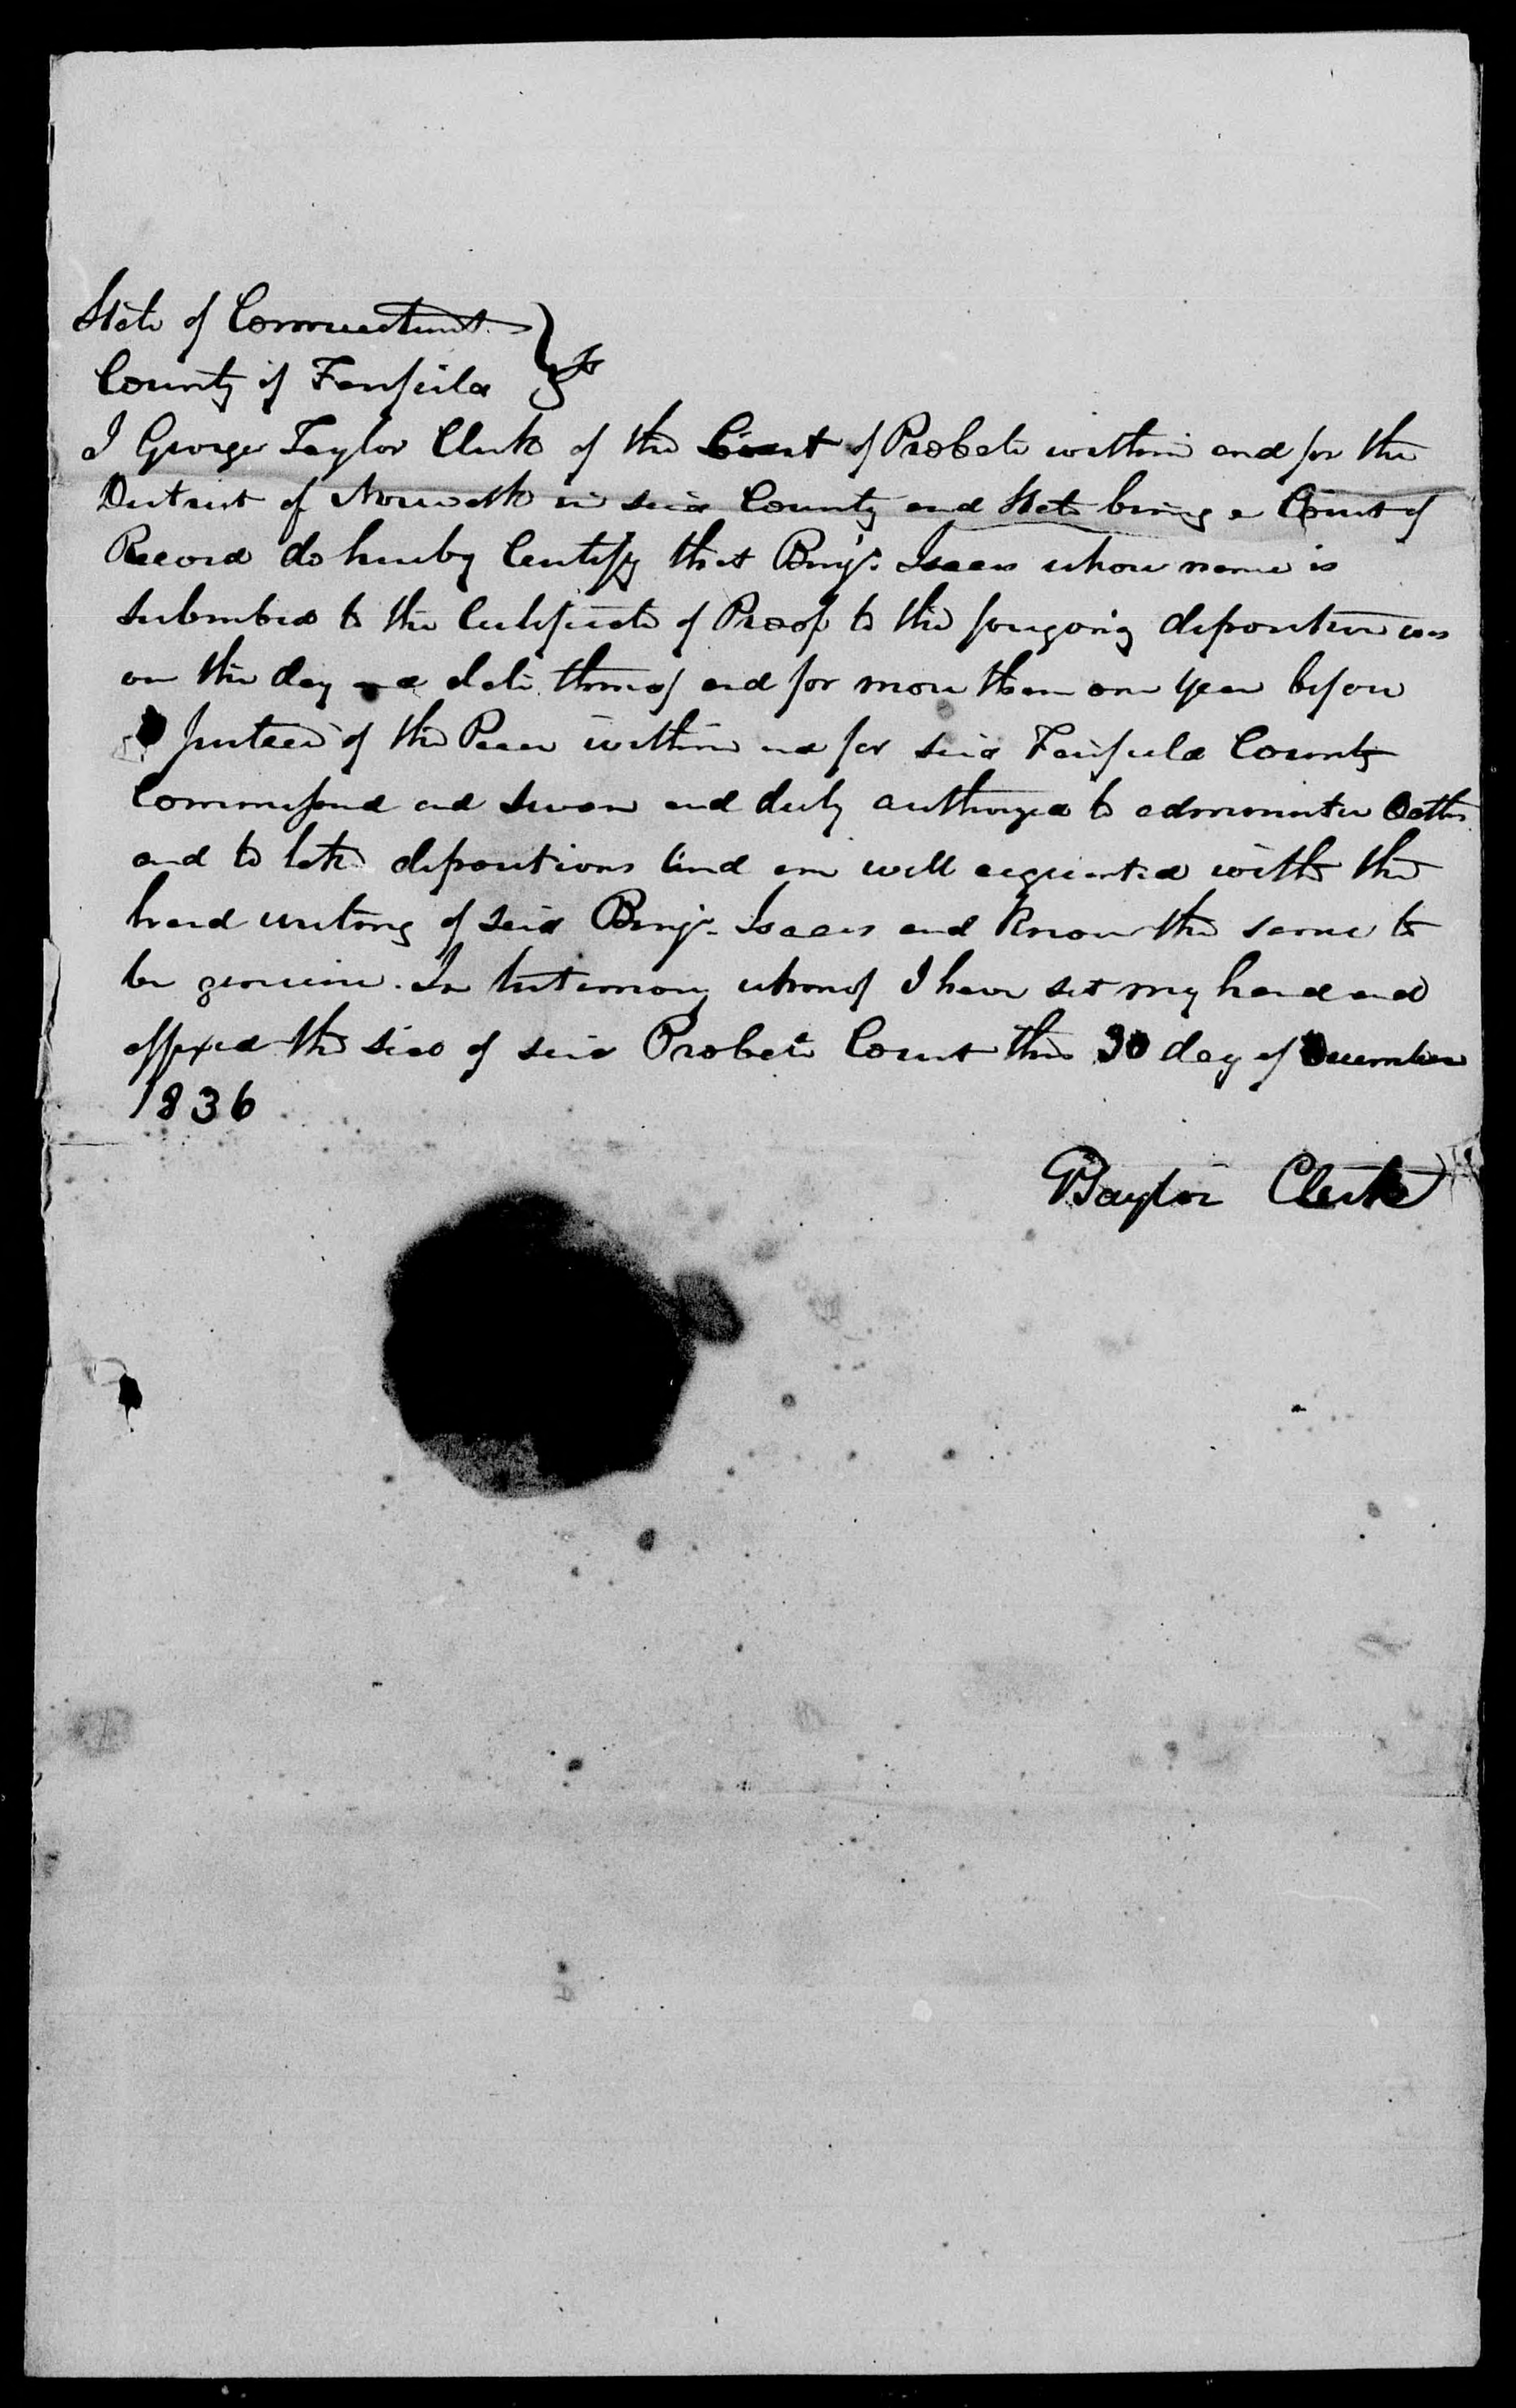State of Connecticut
County of Fairfield Ss
I George Taylor Clerk of the Court of Probate within and for the District of Norwalk in said County and State being a Court of Record do hereby Certify that Benjn Isaacs whose name is subscribed to the Certificate of Proofs to the foregoing depositions was on this day and date [illegible] and for more than one year before a Justice of the Peace within and for said Fairfield County Commissioned and sworn and duly authorized to administer Oaths and to take depositions And am well acquainted with the hand writing of said Benjn Isaacs and know the same to be genuine. In testimony whereof I have set my hand and affixed the seal of said Probate Court the 30 day of December 1836

G Taylor Clerk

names: Benjn Isaacs, Benjn Isaacs, George Taylor, G Taylor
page: 43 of 43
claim: widow's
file: W. 17,647, Aaron Comstock, Conn.